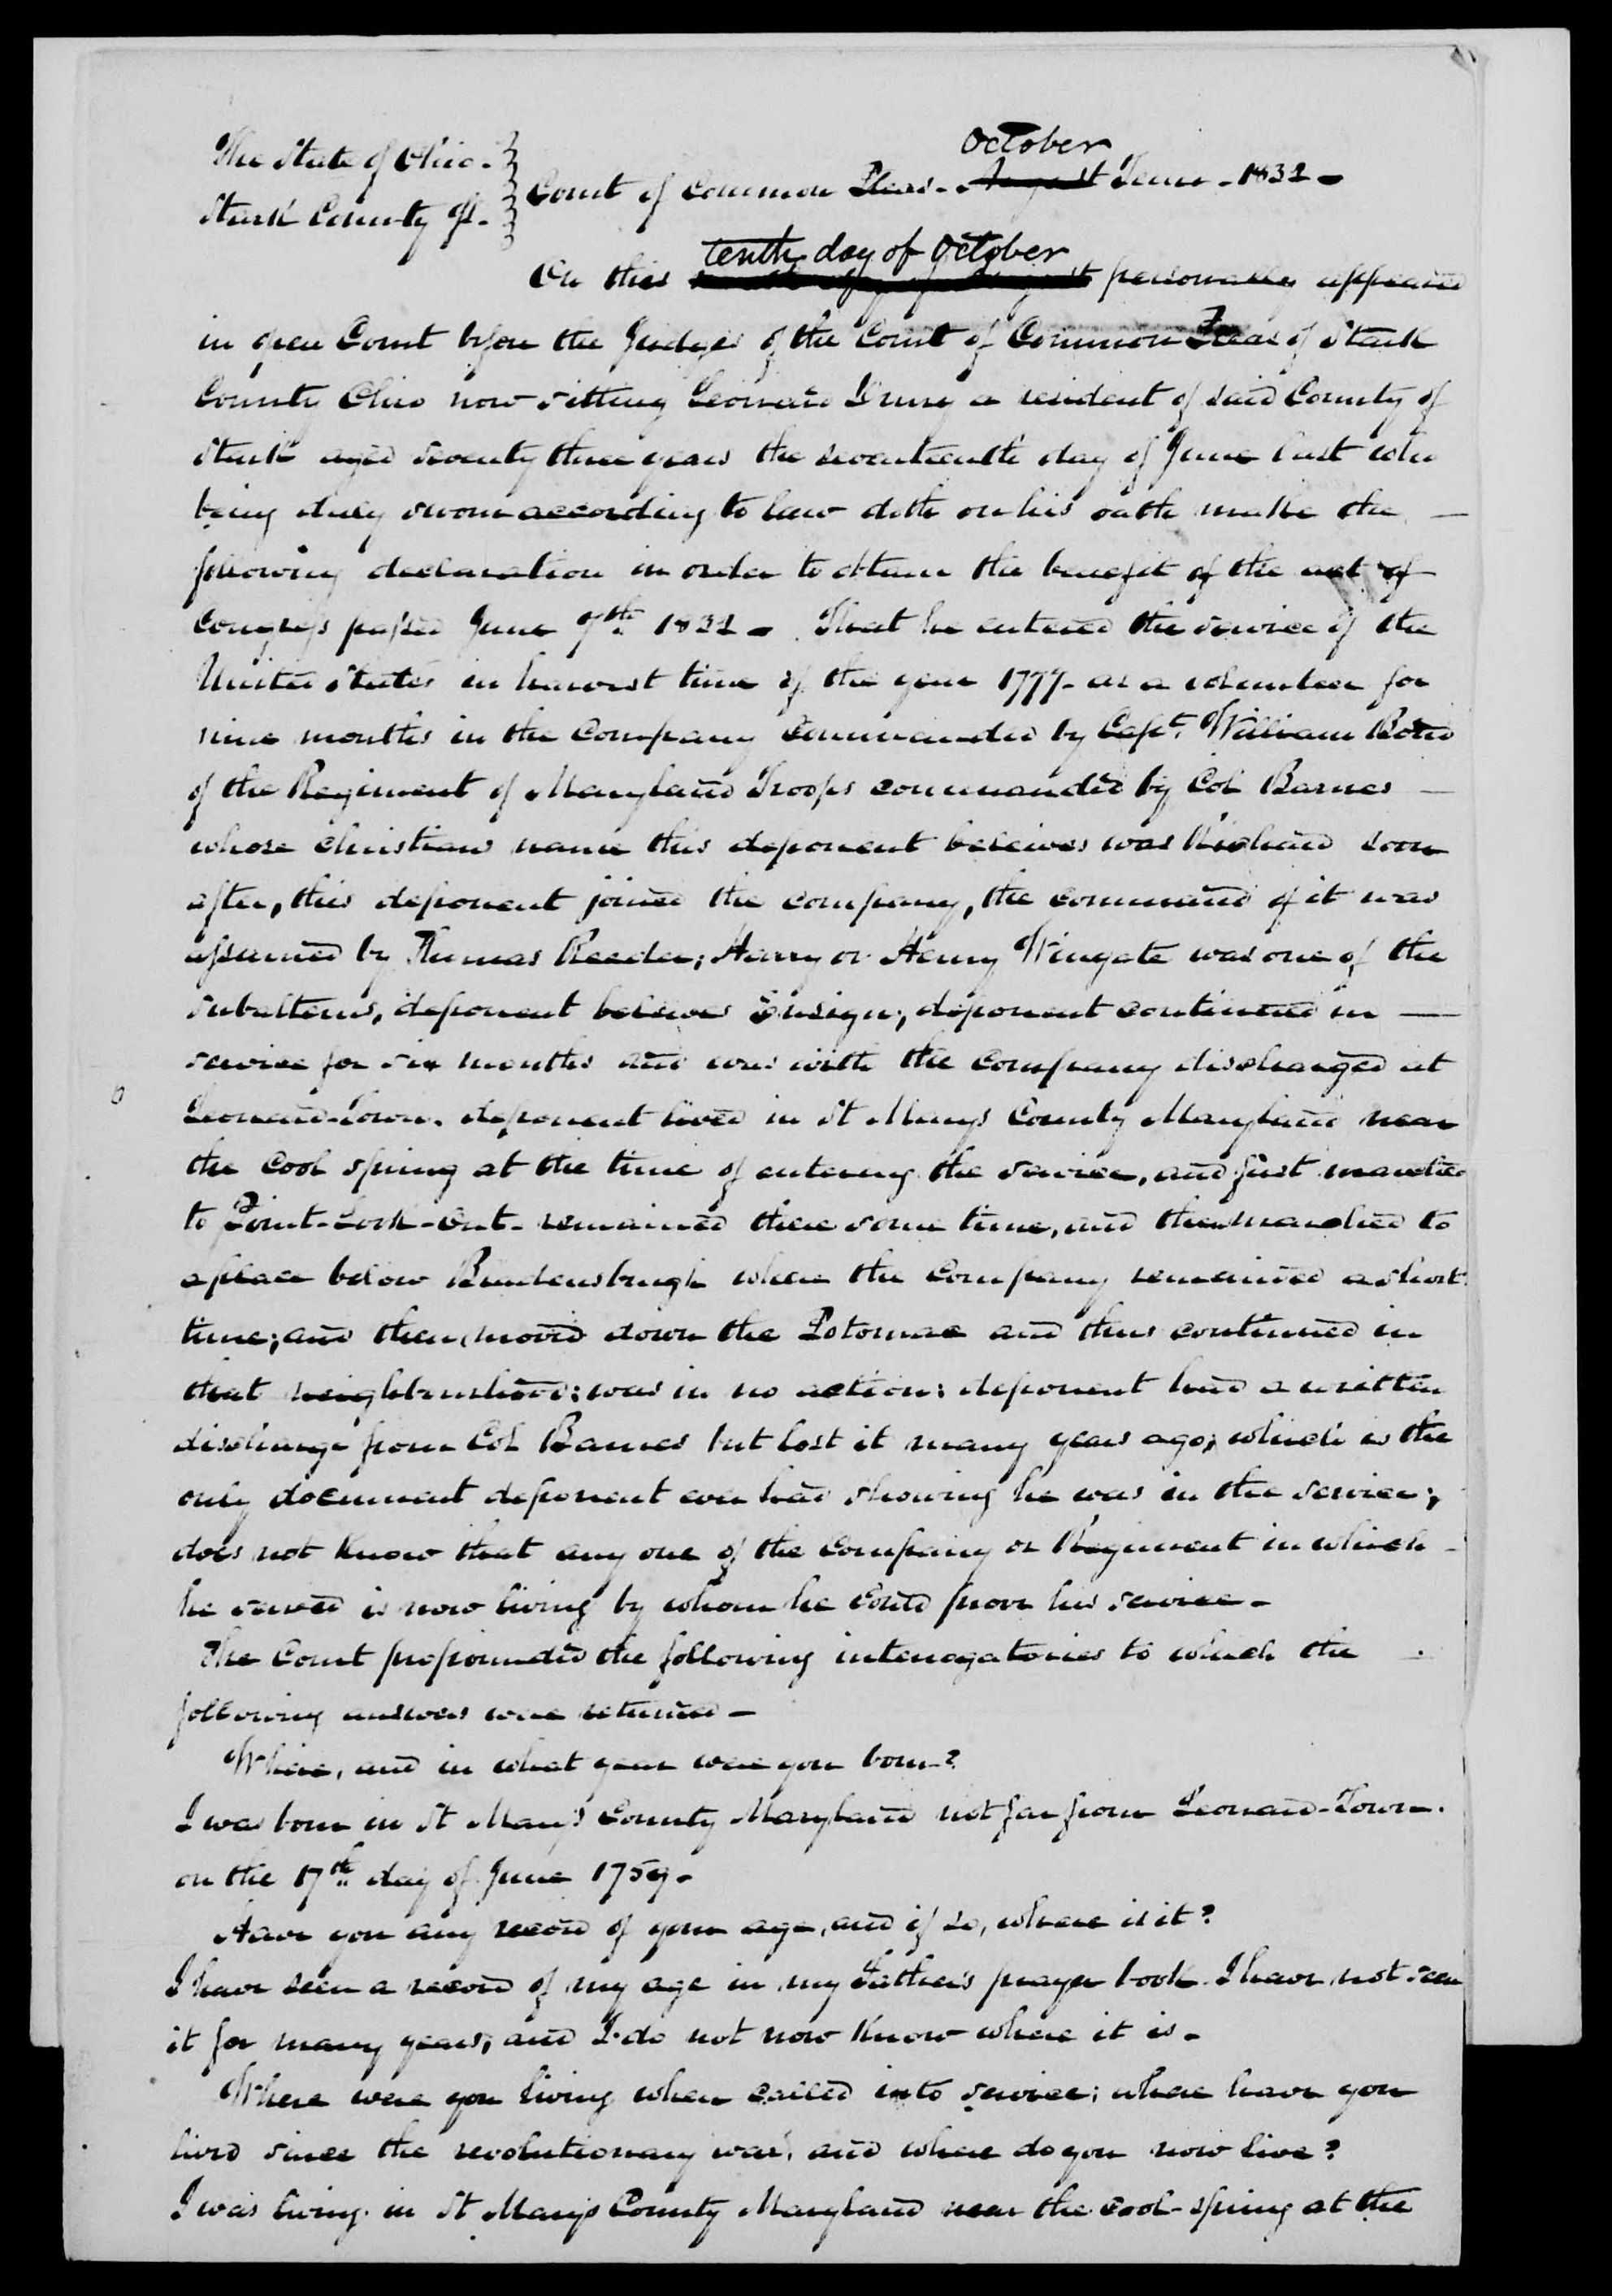The State of Ohio. }
Stark County SS}  Court of Commons Pleas [lined out: August] October [illegible] 1832-

On this tenth day of October personally appeared 
in open Court before the Judges of the Court of Common Pleas of Stark
County Ohio now sitting Leonard Drury a resident of said County of
Stark aged seventy three years this seventeenth day of June last who
being duly sworn according to law doth on his oath make this
following declaration in order to obtain the benefit of the act of
Congress passed June 7th 1832- That he entered the service of the
United States in harvest time of the year 1777 - as a volunteer for
nine months in the company commanded by Capt. William Botes
of the Regiment of Maryland Troops commanded by Col Barnes - 
whose christian name this deponent believes was Richard soon
after, this deponent joined the company, the command of it was
assumed by Thomas Beecher; Harry or Henry Wingate was one of the 
subaltous, deponent believes Einsiger, deponent continued in -
service for six months and was with the company discharged at
Leonard Town [Leonardtown], deponent lived in St Marys County Maryland near
the Cool spring at the time of entering the service, and first mustered
to Point Look-Out  [Point Lookout] remained there some time, and then mustered to
a place below Brandensburgh [Brandenburg] where the company remained a short
time; and others moved down the Potomac and then continued in
that neighbourhood; was in no action; deponent had a written
discharge from Col Barnes but lost it many years ago which is the
only document deponent ever had showing he was in the service;
does not know that any one of the Company or Regiment in which
he served is now living by whom he could prove his service.

The Court [illegible] the following interrogatories to which the 
following answers were [illegible] -

Where, and in what year were you born?
I was born in St Mary's County Maryland not far from Leonard-Town
on the 17th day of June 1759.

Have you any record of your age, and if so, where is it?
I have seen a record of my age in my Father's prayer book.  I have last seen
it for many years, and I do not now know where it is.

Where were you living when called into service; where have you
lived since the revolutionary war; and where do you now live?
I was living in St Mary's County Maryland near the Cool-spring at the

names: Leonard Drury, Thomas Reeder, Barnes, Harry Wingate, Barnes, Henry Wingate, William Botes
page: 6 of 9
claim: survivor's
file: S. 2183, Leonard Drury, Md.